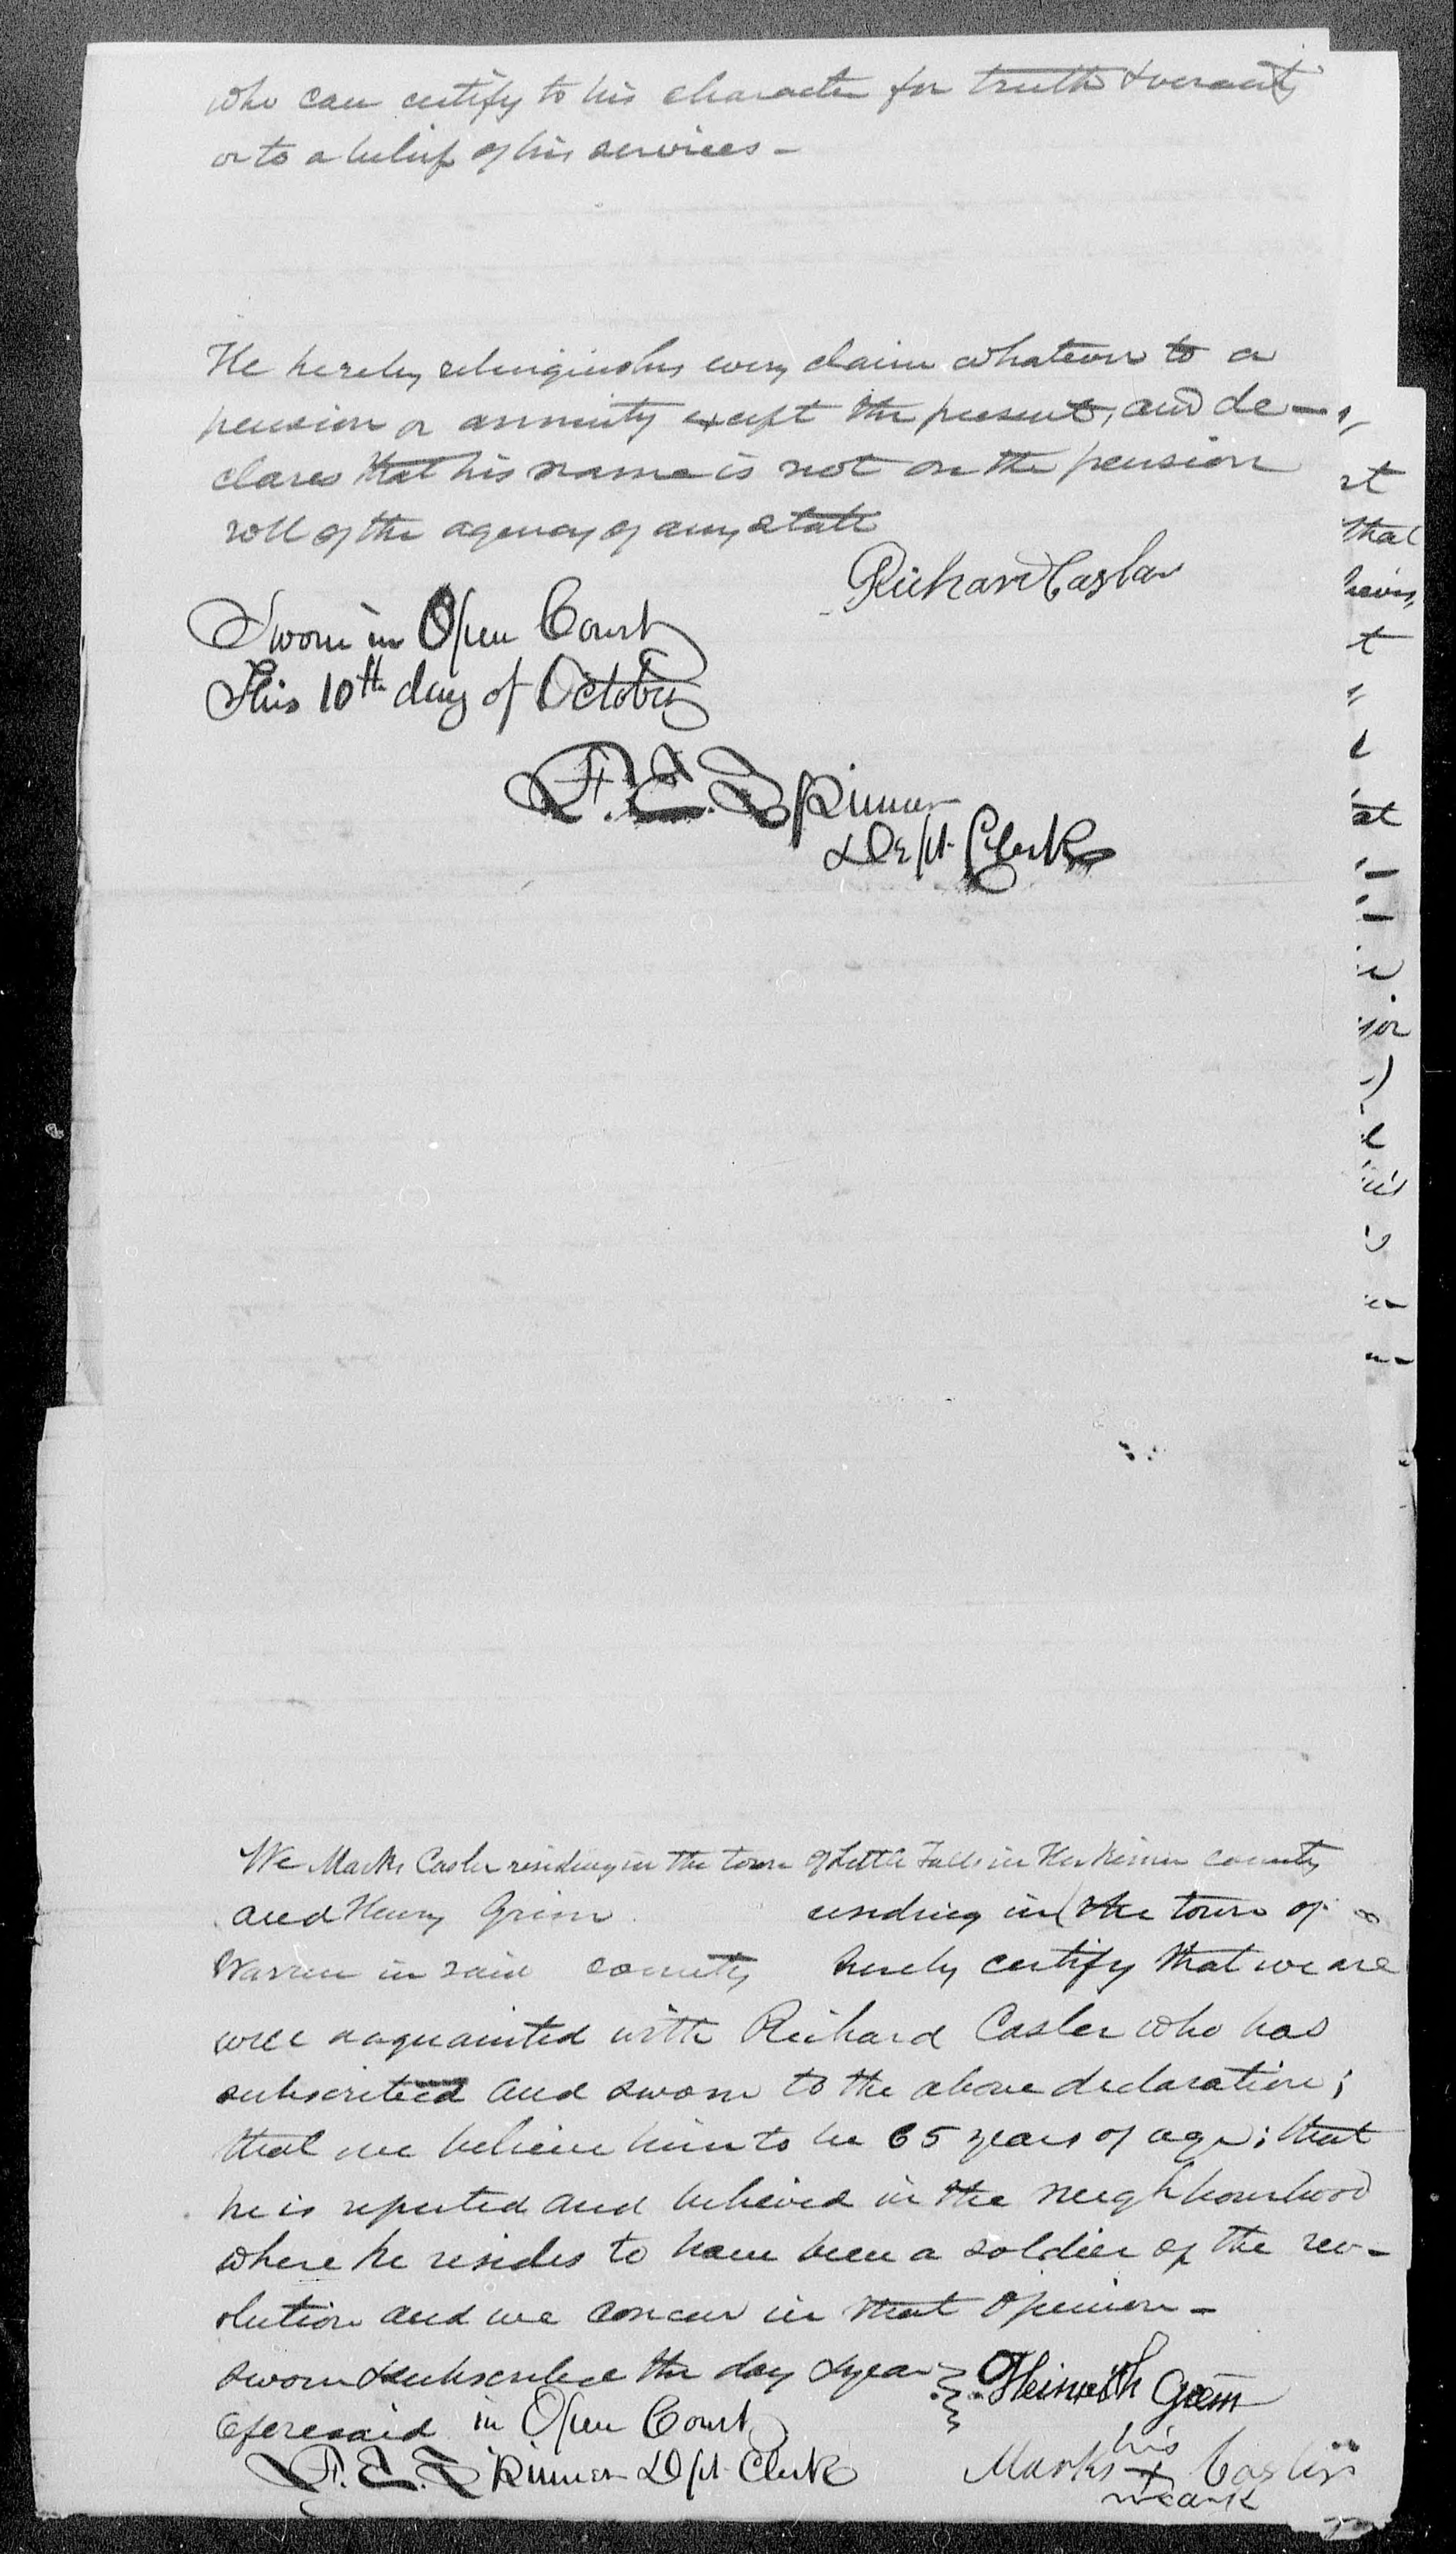who can certify to his character for truth & veracity or to a belief of his services – 
He hereby relinquishes every claim whatever to a pension or annuity except the present, and declares that his name is not on the pension roll of the agency of any state 
[signed] Richard Caslar
Sworn in Open Court This 10th day of October 
[signed] F. E. Spinner Dept. Clerk 

We Marks Casler residing in the town of Little Falls in Herkimer county and Henry Grim residing in the town of Warren in said county hereby certify that we are well acquainted with Richard Casler who has subscribed and sworn to the above declaration; that we believe him to be 65 years of age; that he is reputed and believed in the neighbourhood where he resides to have been a soldier of the revolution and we concur in that opinion –
[signed] Heinrich Grim  Marks Casler X his mark
sworn & subscribed the day & year aforesaid in Open Court 
[signed] F. E. Spinner Dept Clerk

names: F E Spinner, Richard Casler, Richard Caslar, F E Spinner, Henry Grim, Marks Casler, Marks Casler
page: 8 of 66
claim: widow's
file: W. 6637, Richard Caslar, New York